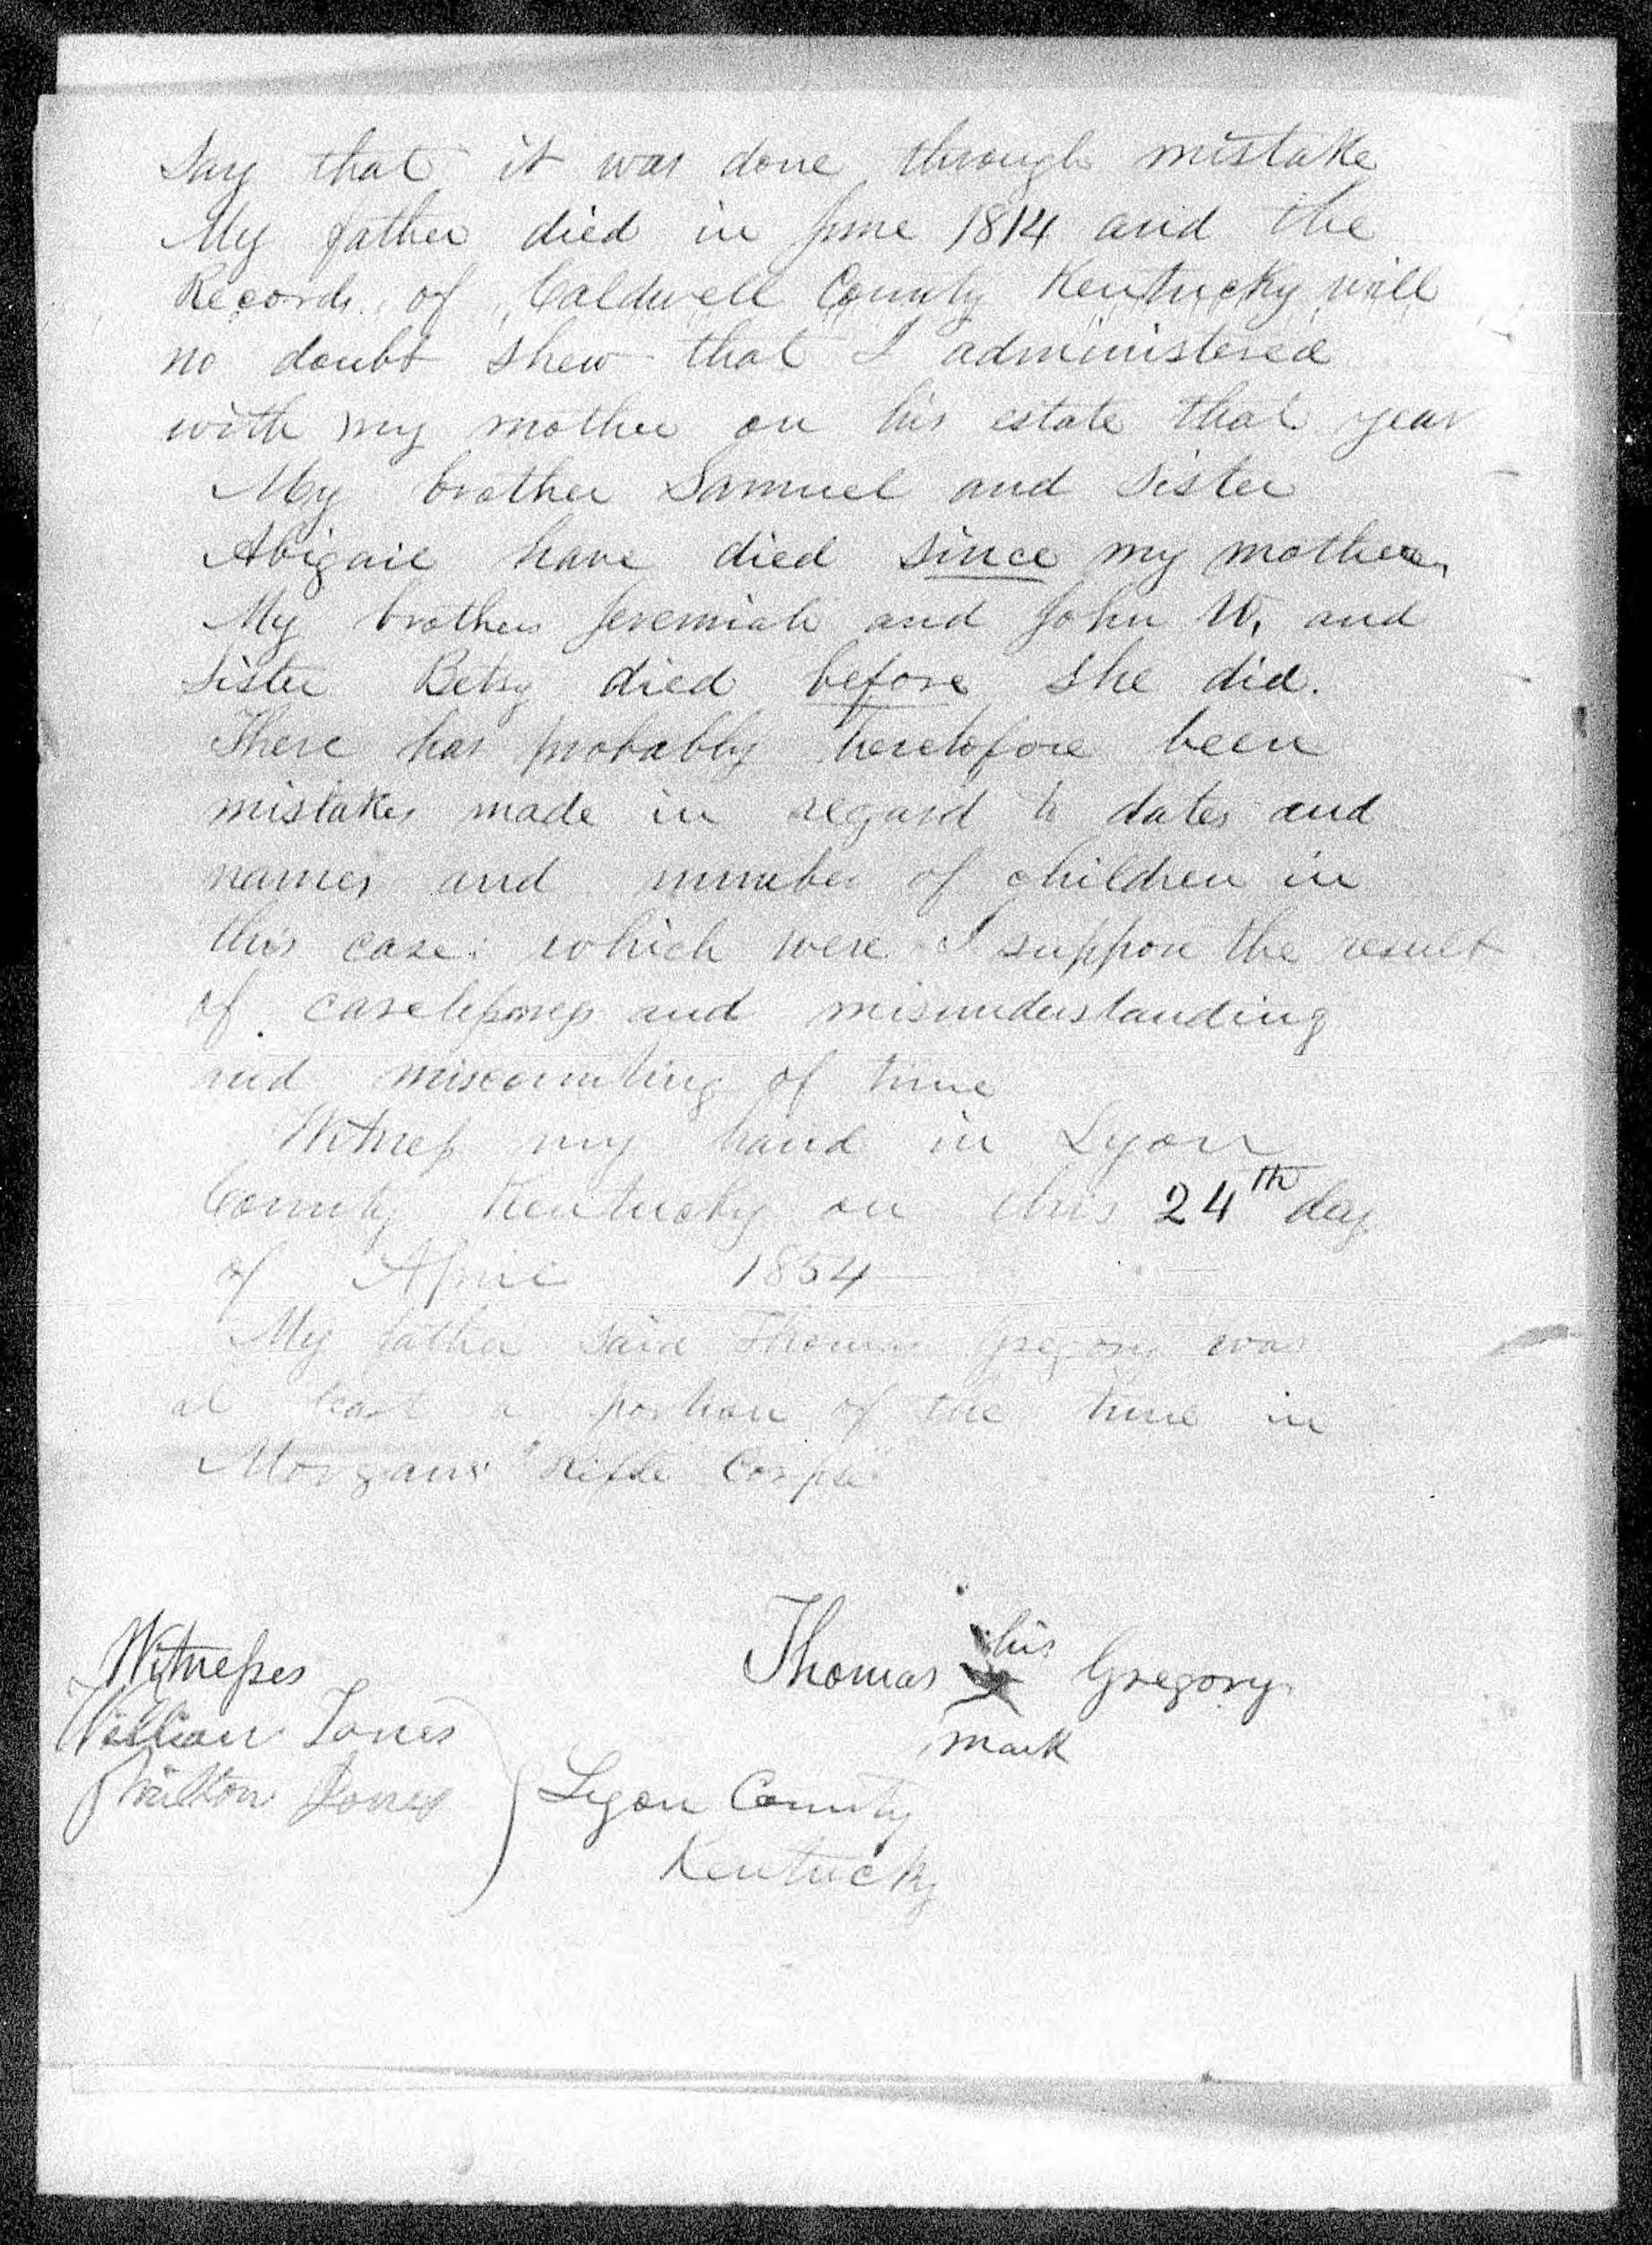Say that it was done through mistake 
My father died in June 1814 and the Records of Caldwell County Kentucky will no doubt show that I administered with my mother on his estate that year.
My brother Samuel and Sister Abigail have died since my mother.  My brother Jeremiah and John W. and Sister Betsy died before she did.  There has probably heretofore been mistakes made in regard to dates and names and number of children in this case, which were, I suppose the result of carelessness and misunderstanding and miscounting of time.
Witness my hand in Lyon County Kentucky on this 27th day of April 1854.
My father said Thomas Gregory was at least a portion of the time in Morgans Rifle Corps.
Thomas  his X mark Gregory

Witnesses
William Jones
Milton Jones}  Lyon County 
Kentucky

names: John W, Morgan, Milton Jones, William Jones, Thomas Gregory, Samuel, Abigail, Betsy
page: 58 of 75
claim: widow's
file: W. 8876, Thomas Gregory, Continental Va